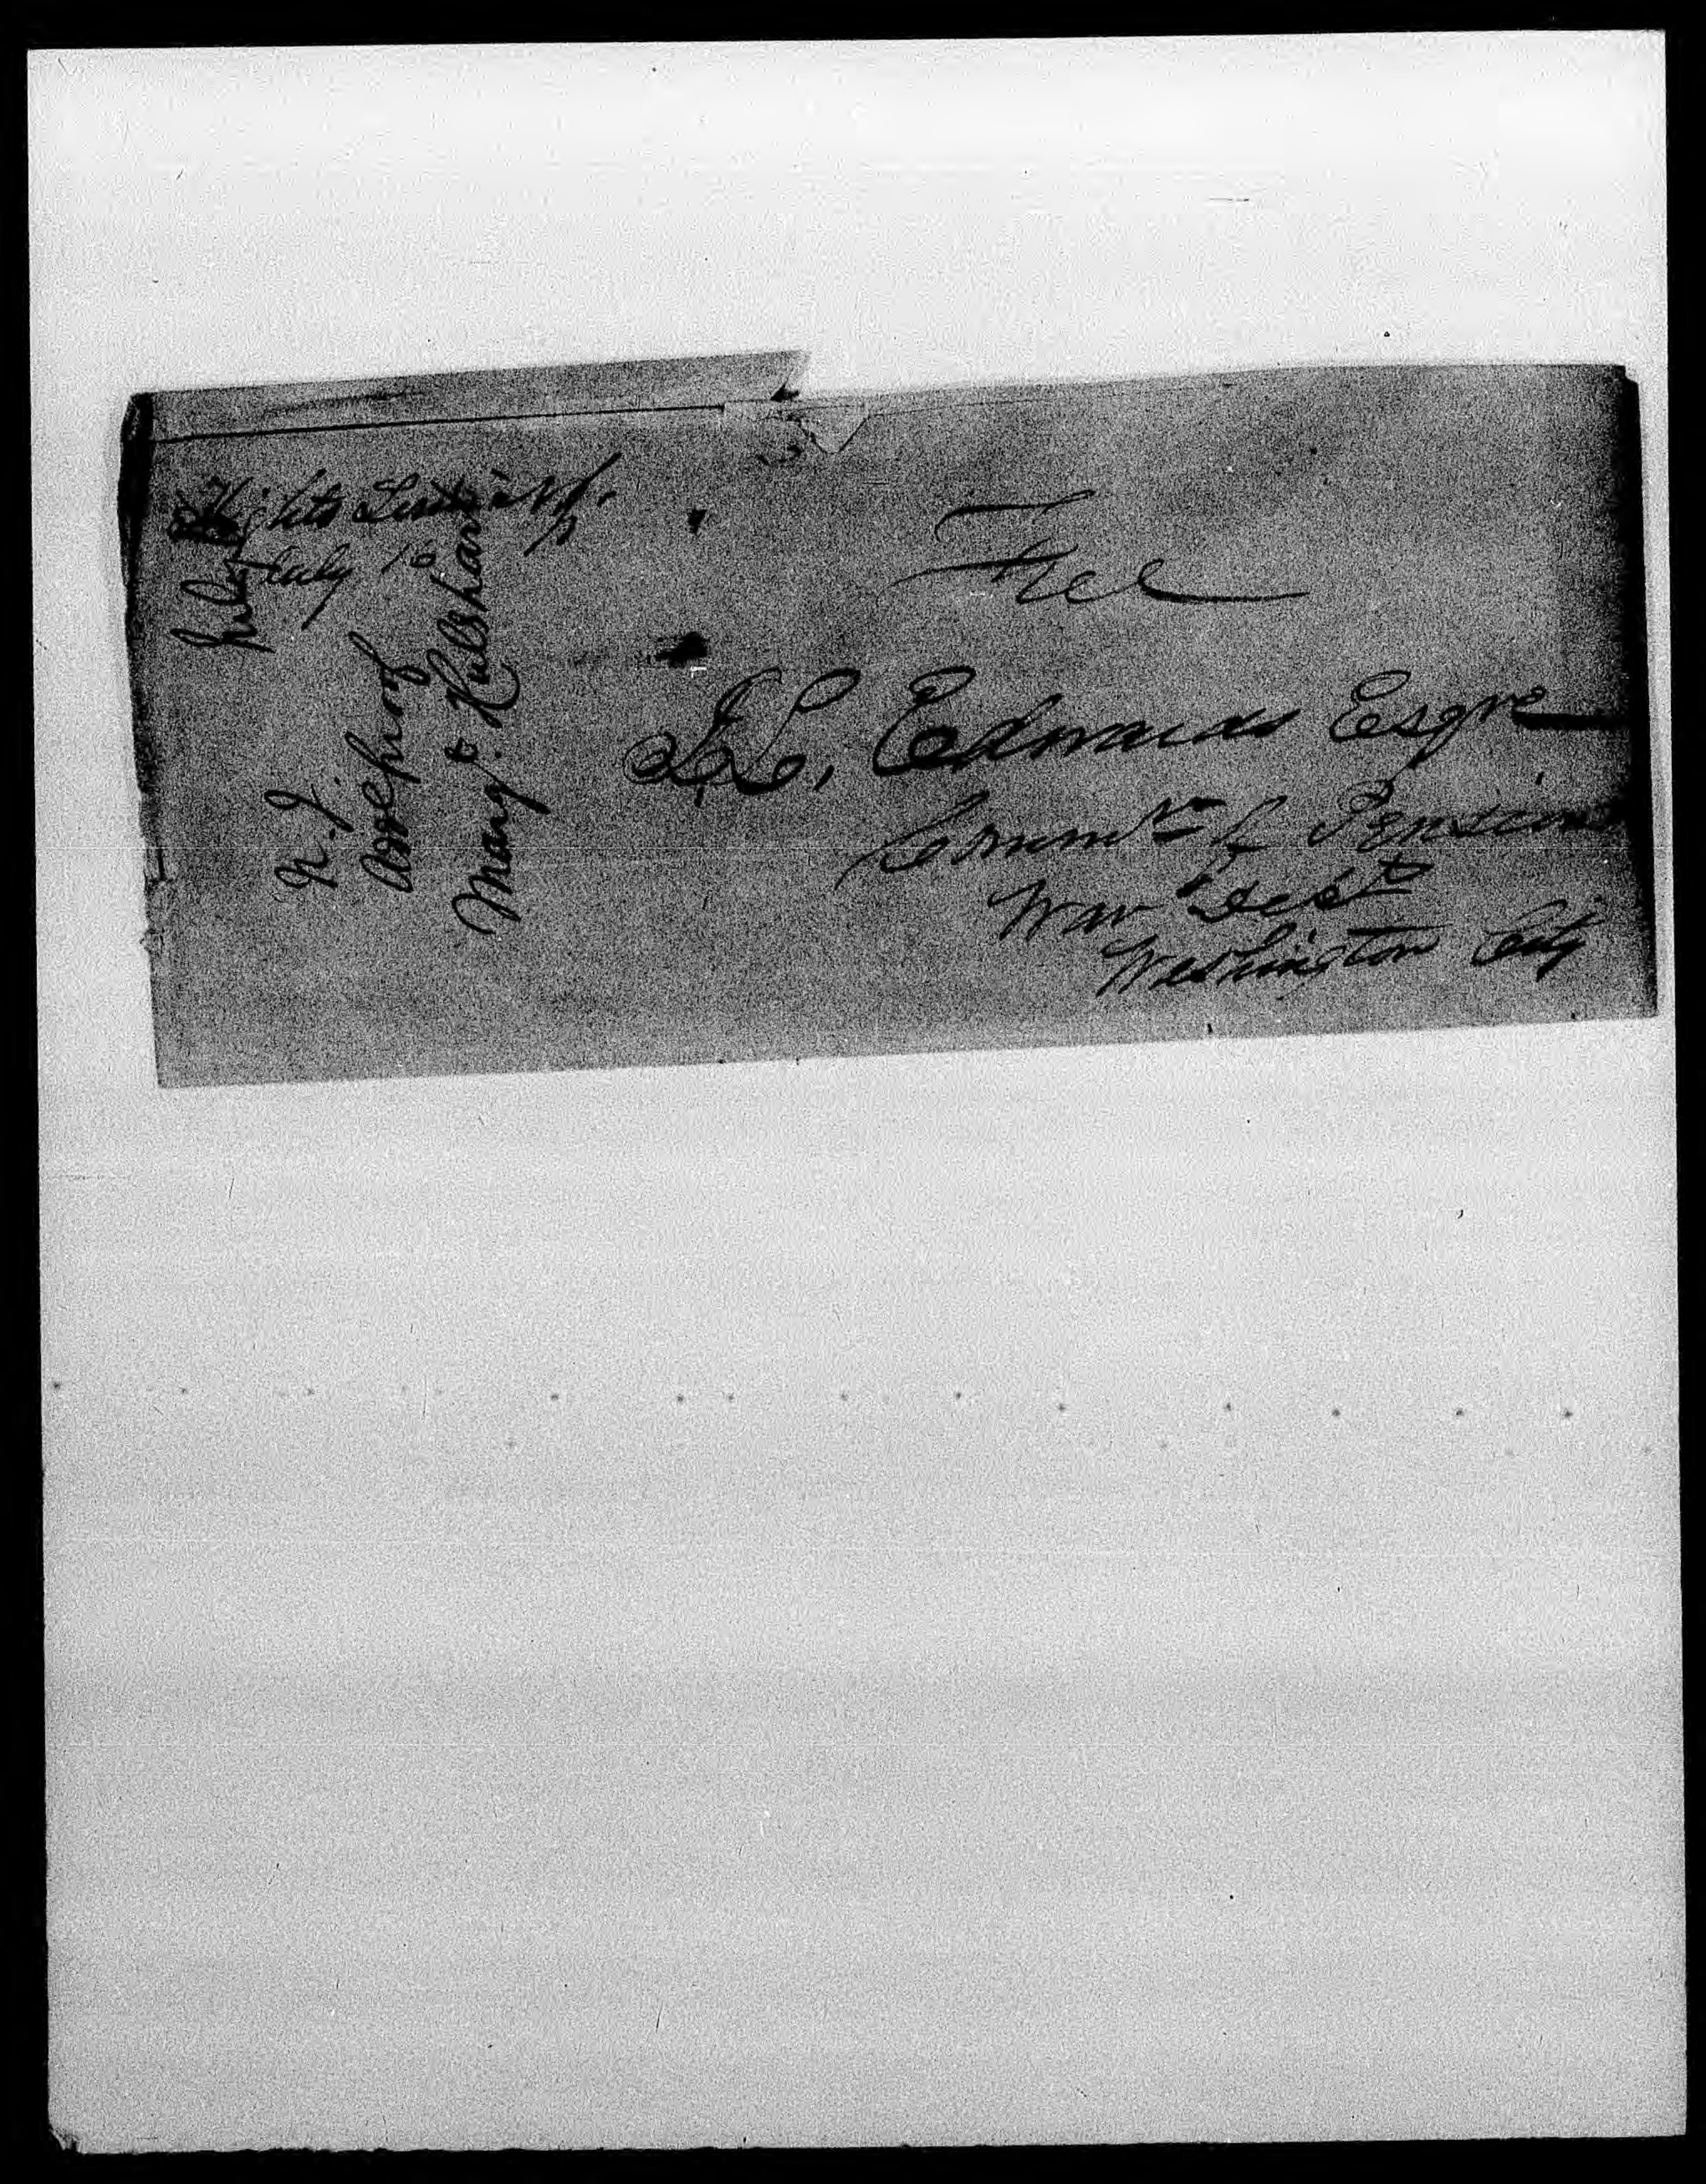July
Hights Town NJ

N.J.
Addl. Proof
Margt. Hulshart

Free

J.L. Edwards Esquire
Commr. of Pensions
War Dept.
Washington City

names: Margt Hulshart, J L Edwards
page: 23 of 34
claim: widow's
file: W. 940, John Hulshart, New Jersey